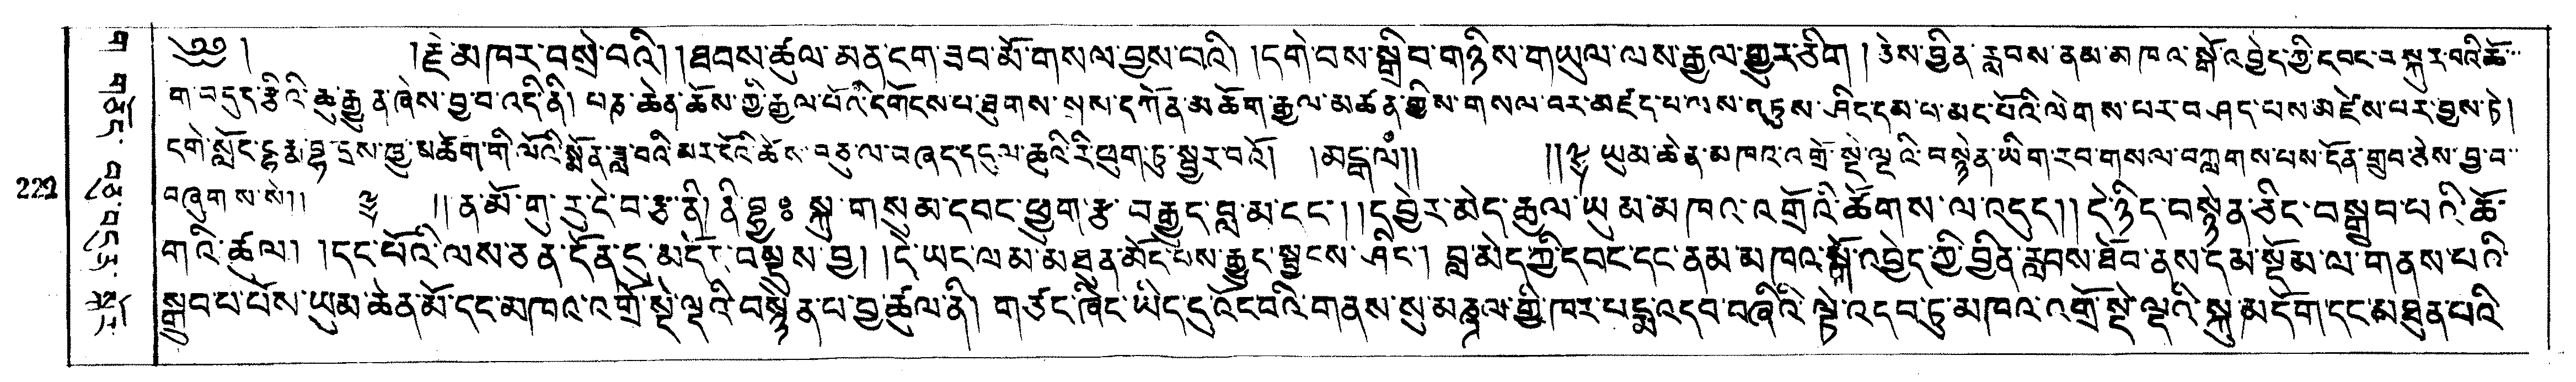༄༅། །རྗེ་མཁར་བསྲེ་བའི། །ཐབས་ཚུལ་མན་ངག་ཟབ་མོ་གསལ་བྱས་པའི། །དགེ་བས་སྒྲིབ་གཉིས་གཡུལ་ལས་རྒྱལ་གྱུར་ཅིག ། ཅེས་བྱིན་རླབས་ནམ་མཁའ་སྒོ་འབྱེད་ཀྱི་དབང་བསྐུར་བའི་ཆོ་
ག་བདུད་རྩིའི་ཆུ་རྒྱུན་ཞེས་བྱ་བ་འདི་ནི། པཎ་ཆེན་ཆོས་ཀྱི་རྒྱལ་པོའི་དགོངས་པ་ཐུགས་སྲས་དཀོན་མཆོག་རྒྱལ་མཚན་གྱིས་གསལ་བར་མཛད་པ་ལས་བཏུས་ཤིང་དམ་པ་མང་པོའི་ལེགས་པར་བཤད་པས་མཛེས་པར་བྱས་ཏེ།
དགེ་སློང་དྷརྨ་བྷ་དྲས་ཁྱུ་མཆོག་གི་ལོའི་སྨོན་ཟླ་བའི་མར་ངོའི་ཚེས་བཅུ་ལ་བཞད་དངུལ་ཆུའི་རི་ཕུག་ཏུ་སྦྱར་བའོ། །མངྒ་ལཾ།། །།༈ ཡུམ་ཆེན་མཁའ་འགྲོ་སྡེ་ལྔའི་བསྙེན་ཡིག་རབ་གསལ་བཀླགས་པས་དོན་གྲུབ་ཅེས་བྱ་བ་
བཞུགས་སོ།། ༈ །།ན་མོ་གུ་རུ་དེ་བ་རྩ་ནི། ནི་བྷྱཿ སྐུ་གསུམ་དབང་ཕྱུག་རྩ་བརྒྱུད་བླ་མ་དང་། །དབྱེར་མེད་རྒྱལ་ཡུམ་མཁའ་འགྲོའི་ཚོགས་ལ་འདུད། །དེ་ཉིད་བསྙེན་ཅིང་བསྒྲུབ་པའི་ཆོ་
གའི་ཚུལ། །དང་པོའི་ལས་ཅན་དོན་དུ་མདོར་བསྡུས་བྱ། །དེ་ཡང་ལམ་མཐུན་མོང་པས་རྒྱུད་སྦྱངས་ཤིང་། བླ་མེད་ཀྱི་དབང་དང་ནམ་མཁའ་སྒོ་འབྱེད་ཀྱི་བྱིན་རླབས་ཐོབ་ནས་དམ་སྡོམ་ལ་གནས་པའི་
སྒྲུབ་པ་པོས་ཡུམ་ཆེན་མོ་དང་མཁའ་འགྲོ་སྡེ་ལྡའི་བསྙེན་པ་བྱ་ཚུལ་ནི། གཙང་ཞིང་ཡིད་དུ་འོང་བའི་གནས་སུ་མཎྜལ་གྱི་ཁར་པདམ་འདབ་བཞིའི་ལྟེ་འདབ་ཏུ་མཁའ་འགྲོ་སྡེ་ལྡའི་སྐུ་མདོག་དང་མཐུན་པའི་